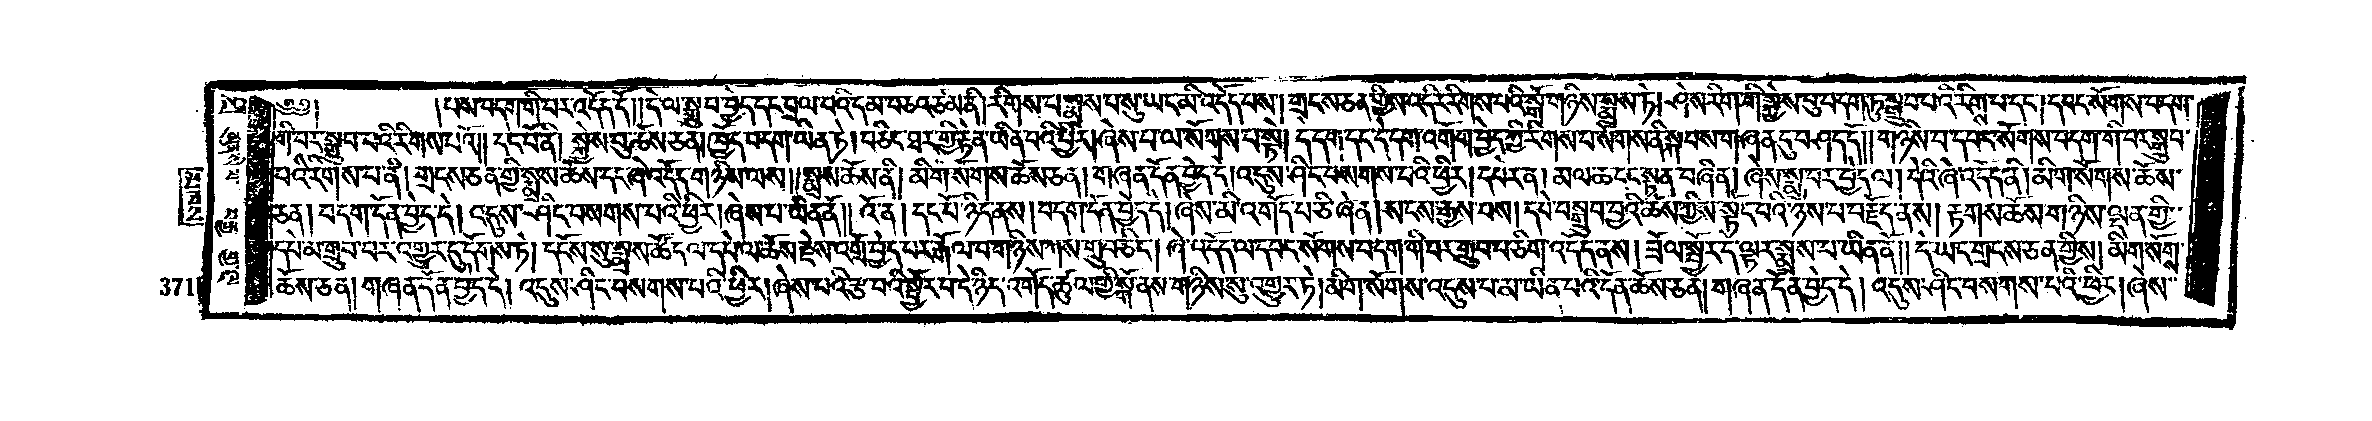༄༅། །པས་བདག་གི་བར་འདོད་དོ། །དེ་ལ་སྒྲུབ་བྱེད་དང་བྲལ་བའི་དམ་བཅའ་ཙམ་ནི། རིགས་པ་སྨྲས་པ་སུ་ཡང་མི་འདོད་པས། གྲངས་ཅན་གྱིས་འདིར་རིགས་པའི་སྒོ་གཉིས་སྨྲས་ཏེ། ཤེས་རིག་གི་སྐྱེས་བུ་བདག་ཏུ་སྒྲུབ་པའི་རིགས་པ་དང་། དབང་སོགས་བདག་
གི་བར་སྒྲུབ་པའི་རིགས་པའོ། །དང་པོ་ནི། སྐྱེས་བུ་ཆོས་ཅན། ཁྱོད་བདག་ཡིན་ཏེ། བཅིང་ཐར་གྱི་རྟེན་ཡིན་པའི་ཕྱིར། ཞེས་པ་ལ་སོགས་པ་སྟེ། དེ་དག་དང་དེ་དག་འགོག་བྱེད་ཀྱི་རིགས་པ་སོགས་ནི་སྐབས་གཞན་དུ་བཤད་དོ། །གཉིས་པ་དབང་སོགས་བདག་གི་བར་སྒྲུབ་
པའི་རིགས་པ་ནི། གྲངས་ཅན་གྱི་སྨྲས་ཆོས་དང་ཞེ་འདོད་གཉིས་ལས། །སྨྲས་ཆོས་ནི། མིག་སོགས་ཆོས་ཅན། གཞན་དོན་བྱེད་དེ། འདུས་ཤིང་བསགས་པའི་ཕྱིར། དཔེར་ན། མལ་ཆ་དང་སྟན་བཞིན། ཞེས་སྨྲ་བར་བྱེད་ལ། དེའི་ཞེ་འདོད་ནི། མིག་སོགས་ཆོས་
ཅན། བདག་དོན་བྱེད་དེ། འདུས་ཤིང་བསགས་པའི་ཕྱིར། ཞེས་པ་ཡིན་ནོ། །འོ་ན། དང་པོ་ཉིད་ནས། བདག་དོན་བྱེད་དེ། ཞེས་མི་འགོད་པ་ཅི་ཞེ་ན། སངས་རྒྱས་པས། དཔེ་བསྒྲུབ་བྱའི་ཆོས་ཀྱིས་སྟོང་པའི་ཉིས་པ་བརྗོད་ནས། རྟགས་ཆོས་གཉིས་ལྡན་གྱི་
དཔེ་མ་གྲུབ་པར་འགྱུར་དུ་དོགས་ཏེ། དངོས་སུ་སྨྲས་ཚོད་ལ་དཔེ་ལ་ཆོས་རྗེས་འགྲོ་བྱེད་པར་རྒོལ་བ་གཉིས་ཀས་གྲུབ་ཅིང་། ཞེ་འདོད་ལ་དབང་སོགས་བདག་གི་བར་གྲུབ་པ་ཅིག་འདོད་ནས། ཟོལ་སྦྱོར་དེ་ལྟར་སྨྲས་པ་ཡིན་ནོ། །དེ་ཡང་གྲངས་ཅན་གྱིས། མིག་སོགས་
ཆོས་ཅན། གཞན་དོན་བྱེད་དེ། འདུས་ཤིང་བསགས་པའི་ཕྱིར། ཞེས་པའི་རྩ་བའི་སྦྱོར་བ་དེ་ཉིད་འགོད་ཚུལ་གྱི་སྒོ་ནས་གཉིས་སུ་འགྱུར་ཏེ། མིག་སོགས་འདུས་པ་མ་ཡིན་པའི་དོན་ཆོས་ཅན། གཞན་དོན་བྱེད་དེ། འདུས་ཤིང་བསགས་པའི་ཕྱིར། ཞེས་